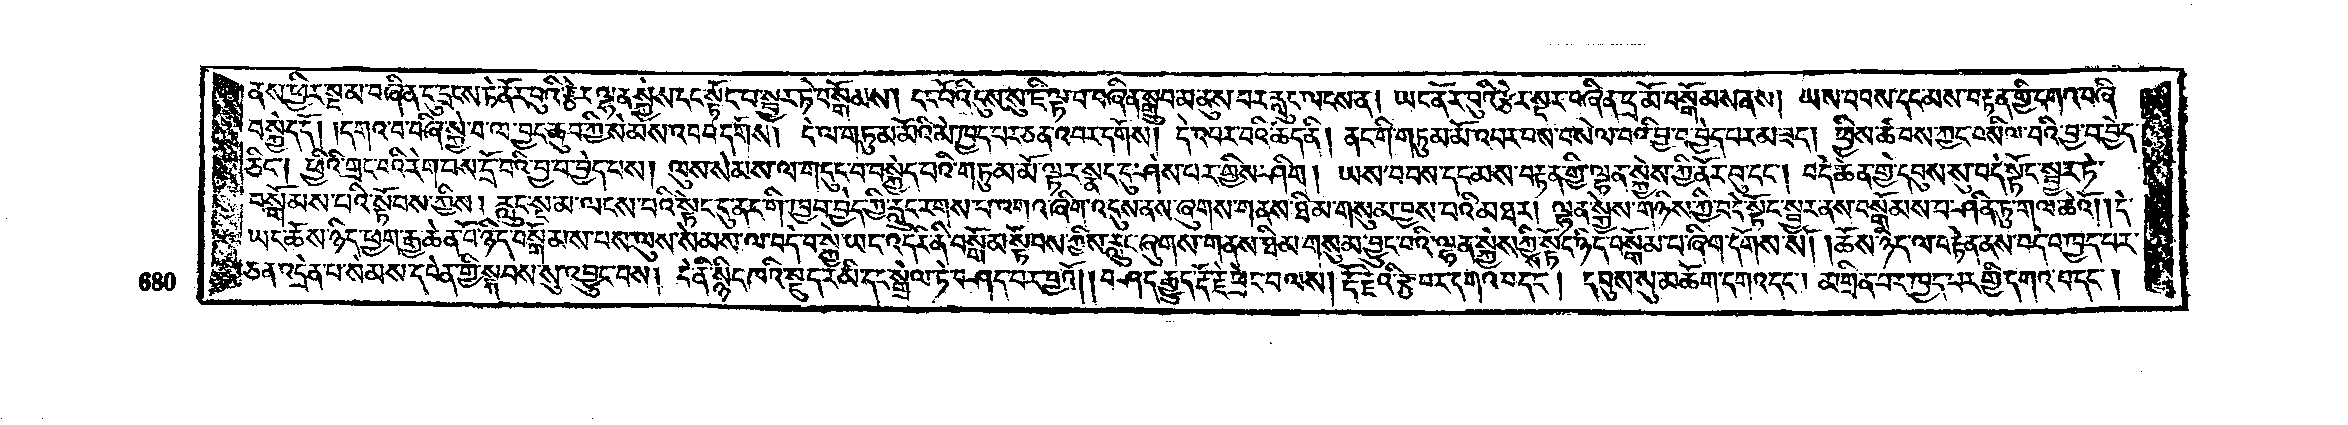ནས་ཕྱིར་སྔ་མ་བཞིན་དུ་དྲངས་ཏེ་ནོར་བུའི་རྩེར་ལྷན་སྐྱེས་དང་སྟོང་པ་སྦྱར་ཏེ་བསྒོམས། དང་པོའི་དུས་སུ་ཇི་ལྟ་བ་བཞིན་སྒྲུབ་མ་ནུས་པར་རླུང་ལངས་ན། ཡང་ནོར་བུའི་རྩེར་སྔར་བཞིན་ཕྲ་མོ་བསྒོམས་ནས། ཡས་བབས་དང་མས་བརྟན་གྱི་དགའ་བཞི་
བསྐྱེད་དོ། །དགའ་བ་བཞི་སྐྱེ་བ་ལ་བྱང་ཆུབ་ཀྱི་སེམས་འབབ་དགོས། དེ་ལ་གཏུམ་མོའི་མེ་ཁྱད་པར་ཅན་འབར་དགོས། དེ་འབར་བའི་ཚད་ནི། ནང་གི་གཏུམ་མོ་འབར་བས་བསེལ་བའི་བྱ་བ་བྱེད་པར་མ་ཟད། ཕྱིས་ཆ་བས་ཀྱང་བསིལ་བའི་བྱ་བ་བྱེད་
ཅིང་། ཕྱིའི་གྲང་བའི་རེག་པས་དྲོ་བའི་བྱ་བ་བྱེད་པས། ལུས་སེམས་ལ་གདུང་བ་བསྐྱེད་པའི་གཏུམ་མོ་ལྟར་སྣང་དུ་ཤེས་པར་གྱིས་ཤིག །ཡས་བབས་དང་མས་བརྟན་གྱི་ལྷན་སྐྱེས་ཀྱི་ནོར་བུ་དང་། བདེ་ཆེན་གྱི་དབུས་སུ་བདེ་སྟོང་སྦྱར་ཏེ་
བསྒོམས་པའི་སྟོབས་ཀྱིས། རླུང་སྔ་མ་ལངས་པའི་སྟེང་དུ་ནང་གི་ཁྱབ་བྱེད་ཀྱི་རླུང་རགས་པ་འགའ་ཞིག་འདུས་ནས་ཞུགས་གནས་ཐིམ་གསུམ་བྱས་པའི་མཐར། ལྷན་སྐྱེས་གཉིས་ཀྱི་བདེ་སྟོང་སྦྱར་ནས་བསྒོམས་པ་ཤིན་ཏུ་གལ་ཆེའོ། །དེ་
ཡང་ཆོས་ཉིད་ཕྱག་རྒྱ་ཆེན་པོ་ཉིད་བསྒོམས་པས་ལུས་སེམས་ལ་བདེ་བ་སྐྱེ་ཡང་འདིར་ནི་བསྒོམ་སྟོབས་ཀྱིས་རླུང་ཞུགས་གནས་ཐིམ་གསུམ་བྱུང་བའི་ལྷན་སྐྱེས་ཀྱིས་སྟོང་ཉིད་བསྒོམ་པ་ཞིག་དགོས་སོ། །ཆོས་ཉིད་ལ་བརྟེན་ནས་བདེ་བ་ཁྱད་པར་
ཅན་འདྲེན་པ་སེམས་དབེན་གྱི་སྐབས་སུ་འབྱུང་བས། དེ་ནི་སྙིང་ཁའི་སྡུད་ར་མི་དང་སྤྲེལ་ཏེ་བཤད་པར་བྱའོ། །བཤད་རྒྱུད་རྡོ་རྗེ་ཕྲེང་བ་ལས། རྡོ་རྗེའི་རྩ་བར་དགའ་བ་དང་། དབུས་སུ་མཆོག་དགའ་དང་། མགྲིན་པར་ཁྱད་པར་གྱི་དགའ་བ་དང་།